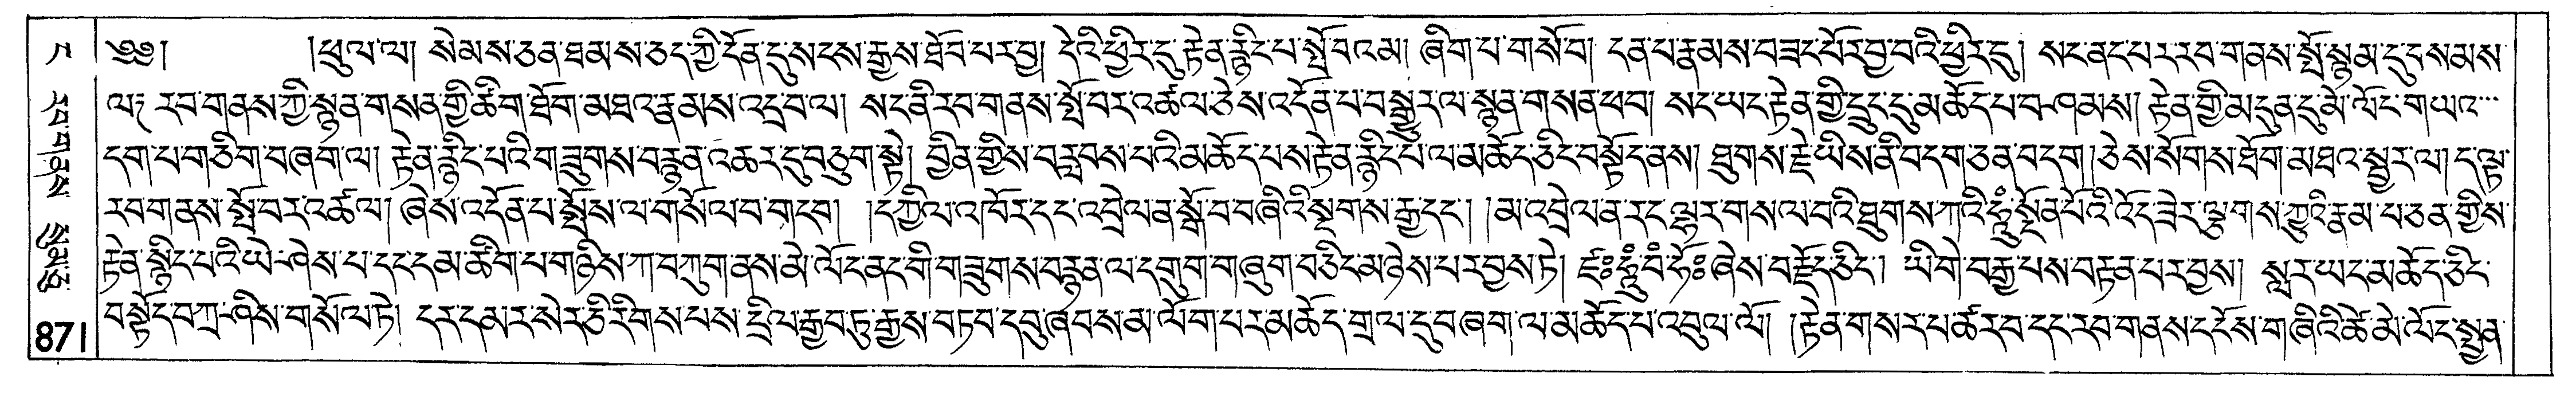༄༅། །ཕུལ་ལ། སེམས་ཅན་ཐམས་ཅད་ཀྱི་དོན་དུ་སངས་རྒྱས་ཐོབ་པར་བྱ། དེའི་ཕྱིར་དུ་རྟེན་རྙིང་པ་སྤོ་བའམ། ཞིག་པ་གསོ་བ། དན་པ་རྣམས་བཟང་པོར་བྱ་བའི་ཕྱིར་དུ། སང་ནང་པར་རབ་གནས་སྤོ་སྙམ་དུ་བསམས་
ལ༑ རབ་གནས་ཀྱི་སྙན་གསན་གྱི་ཚིག་ཐོག་མཐའ་རྣམས་འདྲ་བ་ལ། སང་ནི་རབ་གནས་སྤོ་བར་འཚལ་ཅེས་འདོན་པ་བསྒྱུར་ལ་སྙན་གསན་ཕབ། སང་ཡང་རྟེན་གྱི་དྲུང་དུ་མཆོད་པ་བཤམས། རྟེན་གྱི་མདུན་དུ་མེ་ལོང་གཡའ་
དག་པ་གཅིག་བཞག་ལ། རྟེན་རྙིང་པའི་གཟུགས་བརྙན་འཆར་དུ་བཅུག་སྟེ། བྱིན་གྱིས་བརླབས་པའི་མཆོད་པས་རྟེན་རྙིང་པ་ལ་མཆོད་ཅིང་བསྟོད་ནས། ཐུགས་རྗེ་ཡིས་ནི་བདག་ཅན་བདག །ཅེས་སོགས་ཐོག་མཐའ་སྦྱར་ལ། ད་ལྟ་
རབ་གནས་སྤོ་བར་འཚལ། ཞེས་འདོན་པ་སྤོས་ལ་གསོལ་བ་གདབ། །དཀྱིལ་འཁོར་དང་འབྲེལ་ན་སྒོ་བ་བཞིའི་སྔགས་རྒྱ་དང་། །མ་འབྲེལ་ན་རང་ལྷར་གསལ་བའི་ཐུགས་ཀའི་ཧཱུཾ་སྔོན་པོའི་འོད་ཟེར་ལྕགས་ཀྱུའི་རྣམ་པ་ཅན་གྱིས་
རྟེན་སྙིང་པའི་ཡེ་ཤེས་པ་དང་དམ་ཚིག་པ་གཉིས་ཀ་བཀུག་ནས་མེ་ལོང་ནང་གི་གཟུགས་བརྙན་ལ་དགུག་གཞུག་བཅིང་མཉེས་པར་བྱས་ཏེ། ཛཿ ཧཱུཾ་བཾ་ཧོཿ ཞེས་བརྗོད་ཅིང་། ཡི་གེ་བརྒྱ་པས་བརྟན་པར་བྱས། སླར་ཡང་མཆོད་ཅིང་
བསྟོད་བཀྲ་ཤིས་གསོལ་ཏེ། དར་དམར་སེར་ཅི་རིགས་པས་དྲིལ་རྒྱབ་ཏུ་རྒྱས་བཏབ་དབུ་ཞབས་མ་ལོག་པར་མཆོད་གྲལ་དུ་བཞག་ལ་མཆོད་པ་འབུལ་ལོ། །རྟེན་གསར་པ་ཚར་བ་དང་རབ་གནས་དངོས་གཞིའི་ཚེ་མེ་ལོང་སྤྱན་